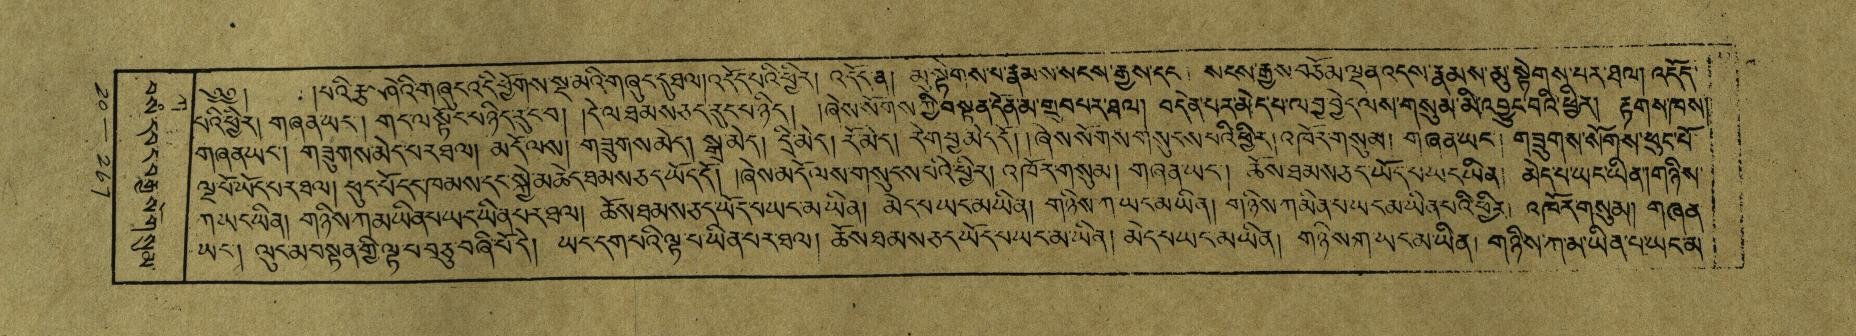༄༅། །པའི་རྩ་ཤེའི་གཞུང་འདི་ཕྱོགས་སྔ་མའི་གཞུང་དུ་ཐལ། འདོད་པའི་ཕྱིར། འདོད་ན། མུ་སྟེགས་པ་རྣམས་སངས་རྒྱས་དང་། སངས་རྒྱས་བཅོམ་ལྡན་འདས་རྣམས་མུ་སྟེགས་པར་ཐལ། འདོད་
པའི་ཕྱིར། གཞན་ཡང་། གང་ལ་སྟོང་པ་ཉིད་རུང་བ། །དེ་ལ་ཐམས་ཅད་རུང་པ་ཉིད། །ཞེས་སོགས་ཀྱི་བསྟན་དོན་མ་གྲུབ་པར་ཐལ། བདེན་པར་མེད་པ་ལ་བྱ་བྱེད་ལས་གསུམ་མི་འབྱུང་བའི་ཕྱིར། རྟགས་ཁས།
གཞན་ཡང་། གཟུགས་མེད་པར་ཐལ། མདོ་ལས། གཟུགས་མེད། སྒྲ་མེད། དྲི་མེད། རོ་མེད། རེག་བྱ་མེད་དོ། །ཞེས་སོགས་གསུངས་པའི་ཕྱིར། འཁོར་གསུམ། གཞན་ཡང་། གཟུགས་སོགས་ཕུང་པོ་
ལྔ་པོ་ཡོད་པར་ཐལ། ཕུང་པོ་དང་ཁམས་དང་སྐྱེ་མཆེད་ཐམས་ཅད་ཡོད་དོ། །ཞེས་མདོ་ལས་གསུངས་པའི་ཕྱིར། འཁོར་གསུམ། གཞན་ཡང་། ཆོས་ཐམས་ཅད་ཡོད་པ་ཡང་ཡིན། མེད་པ་ཡང་ཡིན། གཉིས་
ཀ་ཡང་ཡིན། གཉིས་ཀ་མ་ཡིན་པ་ཡང་ཡིན་པར་ཐལ། ཆོས་ཐམས་ཅད་ཡོད་པ་ཡང་མ་ཡིན། མེད་པ་ཡང་མ་ཡིན། གཉིས་ཀ་ཡང་མ་ཡིན། གཉིས་ཀ་མིན་པ་ཡང་མ་ཡིན་པའི་ཕྱིར། འཁོར་གསུམ། གཞན་
ཡང་། ལུང་མ་བསྟན་གྱི་ལྟ་པ་བཅུ་བཞི་པོ་དེ། ཡང་དག་པའི་ལྟ་པ་ཡིན་པར་ཐལ། ཆོས་ཐམས་ཅད་ཡོད་པ་ཡང་མ་ཡིན། མེད་པ་ཡང་མ་ཡིན། གཉིས་ག་ཡང་མ་ཡིན། གཉིས་ཀ་མ་ཡིན་པ་ཡང་མ་